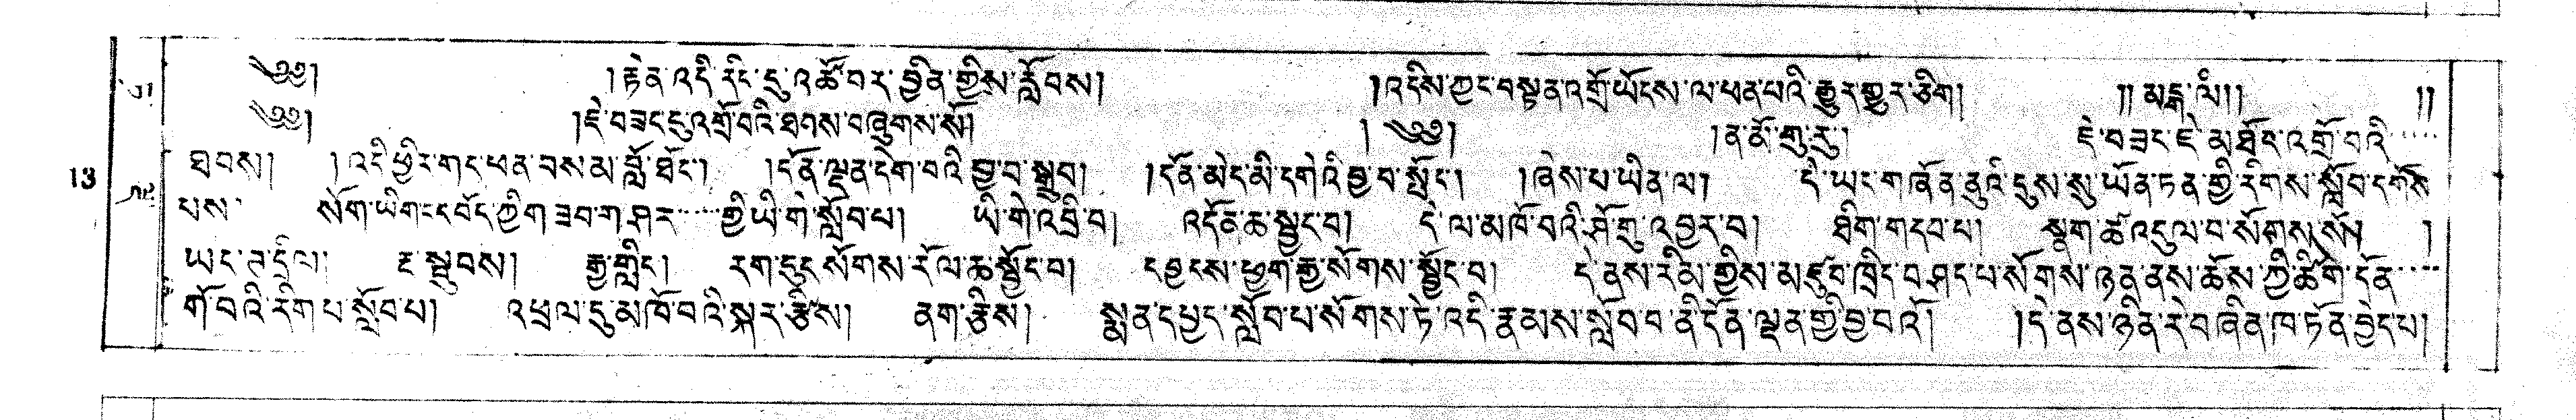༄༅། །རྟེན་འདི་རིང་དུ་འཚོ་བར་བྱིན་གྱིས་རློབས། །འདིས་ཀྱང་བསྟན་འགྲོ་ཡོངས་ལ་ཕན་པའི་རྒྱུར་གྱུར་ཅིག། །།མངྒ་ལཾ།། །།
༄༅། །ཇེ་བཟང་དུ་འགྲོ་བའི་ཐབས་བཞུགས་སོ། །༄༅། །ན་མོ་གུ་རུ། ཇེ་བཟང་ཇེ་མཐོང་འགྲོ་བའི་
ཐབས། །འདི་ཕྱིར་གང་ཕན་བསམ་བློ་ཐོང་། །དོན་ལྡན་དགེ་བའི་བྱ་བ་སྒྲུབ། །དོན་མེད་མི་དགེའི་བྱ་བ་སྤོང་། །ཞེས་པ་ཡིན་ལ། དེ་ཡང་གཞོན་ནུའི་དུས་སུ་ཡོན་ཏན་གྱི་རིགས་སློབ་དགོས་
པས། སོག་ཡིག་དང་བོད་ཀྱི་གཟབ་གཤར་གྱི་ཡི་གེ་སློབ་པ། ཡི་གེ་འབྲི་བ། འདོན་ཆ་སྦྱང་བ། དེ་ལ་མཁོ་བའི་ཤོ་གུ་འབྱར་བ། ཐིག་གདབ་པ། སྣག་ཚ་འདུལ་བ་སོགས་སོ། །
ཡང་ཊ་དྲིལ། རྔ་སྦུབས། རྒྱ་གླིང་། རག་དུང་སོགས་རོལ་ཆ་སྦྱོང་བ། དབྱངས་ཕྱག་རྒྱ་སོགས་སྦྱོང་བ། དེ་ནས་རིམ་གྱིས་མཛུབ་ཁྲིད་བཤད་པ་སོགས་ཉན་ནས་ཆོས་ཀྱི་ཚིག་དོན་
གོ་བའི་རིག་པ་སློབ་པ། འཕྲལ་དུ་མཁོ་བའི་སྐར་རྩིས། ནག་རྩིས། སྨན་དཔྱད་སློབ་པ་སོགས་ཏེ་འདི་རྣམས་སློབ་བ་ནི་དོན་ལྡན་གྱི་བྱ་བའོ། །དེ་ནས་ཉིན་རེ་བཞིན་ཁ་ཏོན་བྱེད་པ།